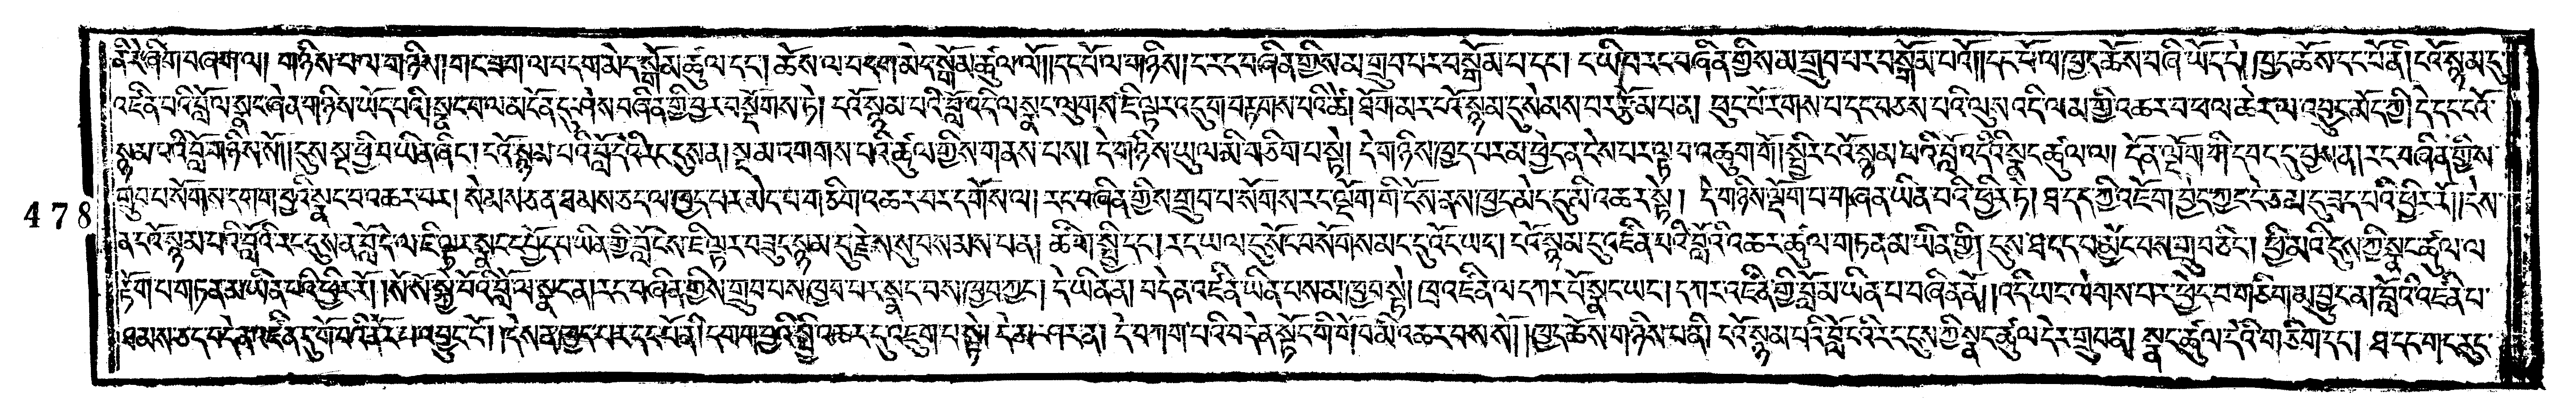ནི་རེ་ཞིག་བཞག་ལ། གཉིས་པ་ལ་གཉིས། གང་ཟག་ལ་བདག་མེད་སྒོམ་ཚུལ་དང་། ཆོས་ལ་བདག་མེད་སྒོམ་ཚུལ་ལོ། །དང་པོ་ལ་གཉིས། ང་རང་བཞིན་གྱིས་མ་གྲུབ་པར་བསྒོམ་པ་དང་། ང་ཡི་བ་རང་བཞིན་གྱིས་མ་གྲུབ་པར་བསྒོམ་པའོ། །དང་པོ་ལ་ཁྱད་ཆོས་བཞི་ཡོད་དེ། ཁྱད་ཆོས་དང་པོ་ནི། ངའོ་སྙམ་དུ་
འཛིན་པའི་བློ་ལ་སྣང་ཞེན་གཉིས་ཡོད་བའི། སྣང་བ་ལ་མངོན་དུ་ཤེས་བཞིན་གྱི་བྱར་བསྡོགས་ཏེ། ངའོ་སྙམ་པའི་བློ་འདི་ལ་སྣང་ལུགས་ཇི་ལྟར་འདུག་བརྟགས་པའི་ཚེ། ཐོག་མར་ངའོ་སྙམ་དུ་སེམས་བར་རྩོམ་པ་ན། ཕུང་པོ་རགས་པ་དང་བཅས་པའི་ལུས་འདི་ལམ་གྱི་འཆར་བ་ཕལ་ཆེར་ལ་འབྱུང་མོད་ཀྱི། དེ་དང་ངའོ་
སྙམ་པའི་བློ་གཉིས་སོ། །དུས་སྔ་ཕྱི་བ་ཡིན་ཞིང་། ངའོ་སྙམ་པའི་བློ་དེའི་རིང་དུས་ན། སྔ་མ་འགགས་པའི་ཚུལ་གྱིས་གནས་པས། དེ་གཉིས་ཡུལ་མི་གཅིག་པ་སྟེ། དེ་གཉིས་ཁྱད་པར་མ་ཕྱེད་ན་དེས་པར་ལྟ་བ་འཆུག་གོ། སྤྱིར་ངའོ་སྙམ་པའི་བློ་འདིའི་སྣང་ཚུལ་ལ། དོན་ལྡོག་གི་དབང་དུ་བྱས་ན། རང་བཞིན་གྱིས་
གྲུབ་པ་སོགས་དགག་བྱའི་སྣང་བ་འཆར་བར། སེམས་ཅན་ཐམས་ཅད་ལ་ཁྱད་པར་མེད་བ་གཅིག་འཆར་བར་དགོས་ལ། རང་བཞིན་གྱིས་གྲུབ་པ་སོགས་རང་ལྡོག་གི་ངོས་ནས་ཁྱད་མེད་དུ་མི་འཆར་སྟེ། དེ་གཉིས་ལྡོག་པ་གཞན་ཡིན་བའི་ཕྱིར་ཏེ། ཐ་དད་ཀྱི་འཇོག་བྱེད་ཀྱང་དེ་ཙམ་དུ་ཟད་པའི་ཕྱིར་རོ། །དེས་
ན་ངའོ་སྙམ་བའི་བློའི་རང་དུས་ན་བློ་དེ་ལ་ཇི་ལྟར་སྣང་དབྱོད་པ་ཡིན་གྱི་བློ་ངེས་ཇི་ལྟར་བཟུང་སྙམ་དུ་རྗེས་སུ་བསམས་པ་ན། ཚིག་སྤྱི་དང་། རང་ཡལ་དུ་སོང་བ་སོགས་མང་དུ་འོང་ཡང་། ངའོ་སྙམ་དུ་འཛིན་པའི་བློའི་འཆར་ཚུལ་གཏན་མ་ཡིན་གྱི། དུས་ཐ་དད་པ་མྱོང་བས་གྲུབ་ཅིང་། ཕྱི་མའི་དུས་ཀྱི་སྣང་ཚུལ་ལ་
རྟོག་པ་གཏན་མ་ཡིན་པའི་ཕྱིར་རོ། །སོ་སོ་སྐྱེ་བོའི་བློ་ལ་སྣང་ན། རང་བཞིན་གྱིས་གྲུབ་པས་ཁྱབ་པར་སྣང་བས་ཁྱབ་ཀྱང་། དེ་ཡིན་ན། བདེན་འཛིན་ཡིན་པས་མ་ཁྱབ་སྟེ། ཁྲ་འཛིན་ལ་དཀར་པོ་སྣང་ཡང་། དཀར་འཛིན་གྱི་བློ་མ་ཡིན་པ་བཞིན་ནོ། །འདི་ཡང་ལེགས་པར་ཕྱེད་པ་གཅིག་མ་བྱུང་ན། བློའི་འཛིན་པ་
ཐམས་ཅད་བདེན་འཛིན་དུ་གོ་བའི་ནོར་པ་འབྱུང་ངོ། །དེས་ན་ཁྱད་པར་དང་པོ་ནི། དགག་བྱའི་སྤྱི་འཆར་དུ་འཇུག་པ་སྟེ། དེ་མ་ཤར་ན། དེ་བཀག་པའི་བདེན་སྟོང་གི་གོ་བ་མི་འཆར་བས་སོ། །ཁྱད་ཆོས་གཉིས་པ་ནི། ངའོ་སྙམ་བའི་བློ་བའི་རང་དུས་ཀྱི་སྣང་ཚུལ་དེར་གྲུབ་ན། སྣང་ཚུལ་དེའི་གཅིག་དང་། ཐ་དང་གང་རུང་